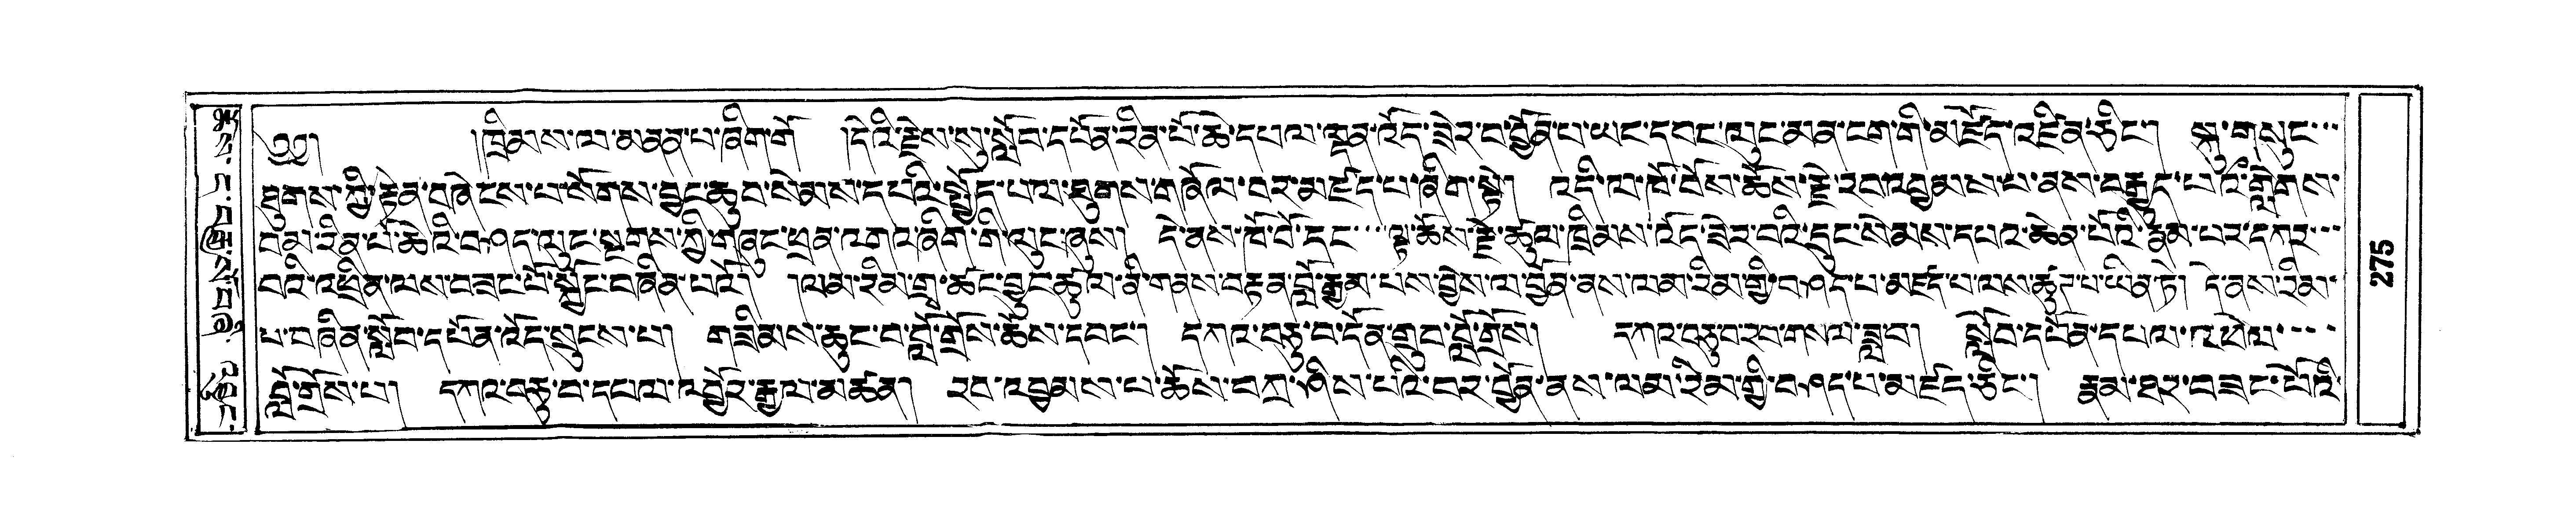༄༅། །ཁྲིམས་ལ་མནན་པ་ཞིག་གོ །དེའི་རྗེས་སུ་སློབ་དཔོན་རིན་པོ་ཆེ་དཔལ་ལྡན་འོད་ཟེར་བ་བྱོན་པ་ཡང་དབང་ལུང་མན་ངག་གི་མཛོད་འཛིན་ཅིང་། སྐུ་གསུང་
ཐུགས་ཀྱི་རྟེན་བཞེངས་པ་སོགས་བྱང་ཆུབ་སེམས་དཔའི་སྤྱོད་པ་ལ་ཐུགས་གཞོལ་བར་མཛད་པ་ཞིག་སྟེ། འདི་ལ་ཁོ་བོས་ཆོས་རྗེ་རབ་འབྱམས་པ་ནས་བརྒྱུད་པཱྀ་གླེགས་
བམ་རིན་པོ་ཆེའི་བཤད་ལུང་སྔགས་ཀྱི་གཞུང་ཕྲན་འགའ་ཞིག་གི་ལུང་ཞུས། དེ་ནས་ཁོ་བོ་དང་ལྟ་ཆོས་རྗེ་ཚུལ་ཁྲིམས་འོད་ཟེར་པའི་དྲུང་སེམས་དཔའ་ཆེན་པོའི་རྣམ་པར་དཀར་
བའི་འཕྲིན་ལས་བཟང་པོ་སྐྱོང་བཞིན་པའོ། །ལམ་རིམ་གྲྭ་ཚང་བྱུང་ཚུལ་ནི་གནས་བརྟན་བློ་རྒྱམ་པས་བྱེས་ལ་བྱོན་ནས་ལམ་རིམ་གྱི་བཤད་པ་མཛད་པ་ལས་ཚུཌ་པ་ཡིན་ཏེ། དེ་ནས་རིམ་
པ་བཞིན་སློབ་དཔོན་འོད་སྲུངས་པ། གཟིམས་ཆུང་བ་བློ་གྲོས་ཆོས་དབང་། དཀའ་བཅུ་བ་དོན་གྲུབ་བློ་གྲོས། དཀའ་བཅུ་བ་རབ་གསལ་ཟླ་བ། སློབ་དཔོན་དཔལ་འཕེལ་
བློ་གྲོས་པ། དཀའ་བཅུ་བ་དཔལ་འབྱོར་རྒྱལ་མཚན། རབ་འབྱམས་པ་ཆོས་བཀྲ་ཤིས་པའི་བར་བྱོན་ནས་ལམ་རིམ་གྱི་བཤད་པ་མཛད་ཅིང་། རྣམ་ཐར་བཟང་པོའི་